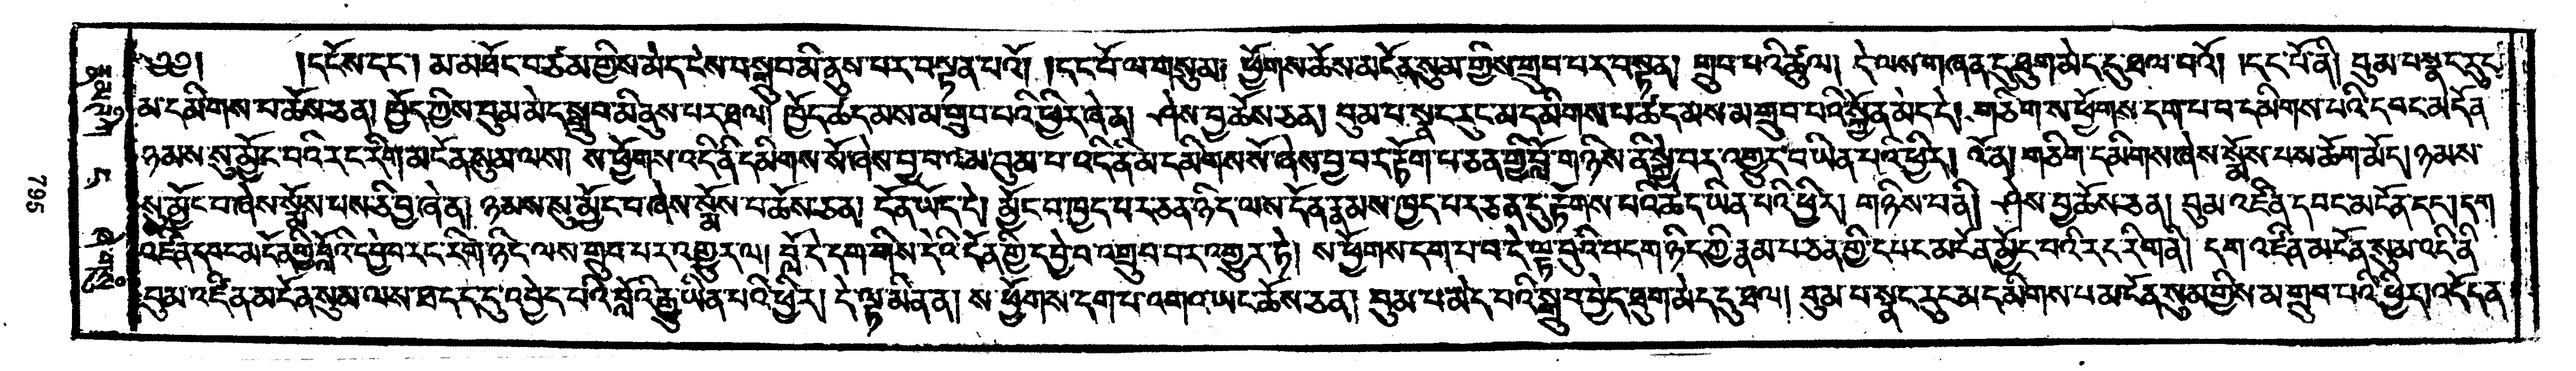༄༅། །དངོས་དང་། མ་མཐོང་བ་ཙམ་གྱིས་མེད་ངེས་བསྒྲུབ་མི་ནུས་པར་བསྟན་པའོ། །དང་པོ་ལ་གསུམ། ཕྱོགས་ཆོས་མངོན་སུམ་གྱིས་གྲུབ་པར་བསྟན། གྲུབ་པའི་ཚུལ། དེ་ལས་གཞན་དུ་ཐུག་མེད་དུ་ཐལ་བའོ། །དང་པོ་ནི། བུམ་པ་སྣང་རུང་
མ་དམིགས་པ་ཆོས་ཅན། ཁྱོད་ཀྱིས་བུམ་མེད་སྒྲུབ་མི་ནུས་པར་ཐལ། ཁྱོད་ཚད་མས་མ་གྲུབ་པའི་ཕྱིར་ཞེ་ན། ཤེས་བྱ་ཆོས་ཅན། བུམ་པ་སྣང་རུང་མ་དམིགས་པ་ཚད་མས་མ་གྲུབ་པའི་སྐྱོན་མེད་དེ། གཅིག་ས་ཕྱོགས་དག་པ་པ་དམིགས་པའི་དབང་མདོན་
ཉམས་སུ་མྱོང་བའི་རང་རིག་མངོན་སུམ་ལས། ས་ཕྱོགས་འདི་ནི་དམིགས་སོ་ཞེས་བྱ་བའམ་བུམ་པ་འདི་ནི་མ་དམིགས་སོ་ཞེས་བྱ་བར་རྟོག་པ་ཅན་གྱི་བློ་གཉིས་ནི་སྐྱེ་བར་འགྱུར་བ་ཡིན་པའི་ཕྱིར། འོ་ན། གཅིག་དམིགས་ཞེས་སྨོས་པས་ཆོག་མོད། ཉམས་
སུ་མྱོང་བ་ཞེས་སྨོས་པས་ཅི་བྱ་ཞེ་ན། ཉམས་སུ་མྱོང་བ་ཞེས་སྨོས་པ་ཆོས་ཅན། དོན་ཡོད་དེ། མྱོང་བ་ཁྱད་པར་ཅན་ཉིད་ལས་དོན་རྣམས་ཁྱད་པར་ཅན་དུ་རྟོགས་པའི་ཆེད་ཡིན་པའི་ཕྱིར། གཉིས་པ་ནི། ཤེས་བྱ་ཆོས་ཅན། བུམ་འཛིན་དབང་མངོན་དང་། དག་
འཛིན་དབང་མངོན་གྱི་བློའི་དབྱེ་བ་རང་རིག་ཉིད་ལས་གྲུབ་པར་འགྱུར་ལ། བློ་དེ་དག་གིས་དེའི་དོན་གྱི་དབྱེ་བ་འགྲུབ་བར་འགྱུར་ཏེ། ས་ཕྱོགས་དག་པ་བ་དེ་ལྟ་བུའི་བདག་ཉིད་ཀྱི་རྣམ་པ་ཅན་གྱི་དཔང་མངོན་མྱོང་བའི་རང་རིག་ནི། དག་འཛིན་མངོན་སུམ་འདི་ནི་
བུམ་འཛིན་མངོན་སུམ་ལས་ཐ་དད་དུ་འབྱེད་པའི་བློའི་རྒྱུ་ཡིན་པའི་ཕྱིར། དེ་ལྟ་མིན་ན། ས་ཕྱོགས་དག་པ་འགའ་ཡང་ཆོས་ཅན། བུམ་པ་མེད་བའི་སྒྲུབ་བྱེད་ཐུག་མེད་དུ་ཐལ། བུམ་པ་སྣང་རུང་མ་དམིགས་པ་མངོན་སུམ་གྱིས་མ་གྲུབ་པའི་ཕྱིར། འདོད་ན་